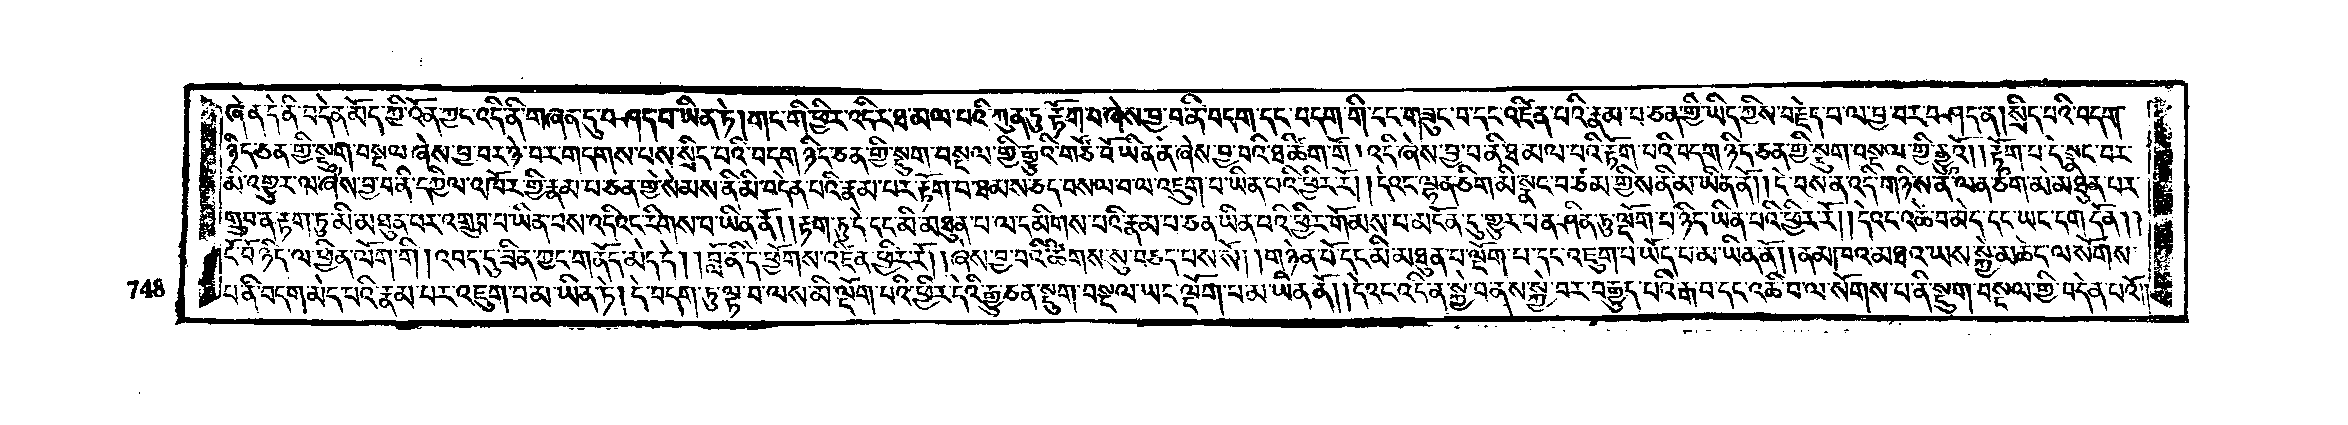ཞེ་ན་དེ་ནི་བདེན་མོད་ཀྱི་འོན་ཀྱང་འདི་ནི་གཞན་དུ་བཤད་པ་ཡིན་ཏེ། གང་གི་ཕྱིར་འདིར་ཐ་མལ་པའི་ཀུན་ཏུ་རྟོག་པ་ཞེས་བྱ་བ་ནི་བདག་དང་བདག་གི་དང་གཟུང་བ་དང་འཛིན་པའི་རྣམ་པ་ཅན་གྱི་ཡིད་ཀྱིས་བརྗོད་པ་ལ་བྱ་བར་བཤད་ན། སྲིད་པའི་བདག་
ཉིད་ཅན་གྱི་སྡུག་བསྔལ་ཞེས་བྱ་བར་ཉེ་བར་གདགས་པས་སྲིད་པའི་བདག་ཉིད་ཅན་གྱི་སྡུག་བསྔལ་གྱི་རྒྱུའི་གཙོ་བོ་ཡིན་ན་ཞེས་བྱ་བའི་ཐ་ཚིག་གོ །འདི་ཞེས་བྱ་བ་ནི་ཐ་མལ་པའི་རྟོག་པའི་བདག་ཉིད་ཅན་གྱི་སྡུག་བསྔལ་གྱི་རྒྱུའོ། །རྟོག་པ་དེ་སྣང་བར་
མི་འགྱུར་ལ་ཞེས་བྱ་བ་ནི་དཀྱིལ་འཁོར་གྱི་རྣམ་པ་ཅན་གྱི་སེམས་ནི་མི་བདེན་པའི་རྣམ་པར་རྟོག་པ་ཐམས་ཅད་བསལ་བ་ལ་འཇུག་པ་ཡིན་པའི་ཕྱིར་རོ། །དེའང་ལྷན་ཅིག་མི་སྣང་བ་ཙམ་གྱིས་ནི་མ་ཡིན་ནོ། །དེ་བས་ན་འདི་གཉིས་ནི་ལན་ཅིག་མི་མཐུན་པར་
གྲུབ་ན་རྟག་ཏུ་མི་མཐུན་པར་འགྲུབ་པ་ཡིན་པས་འདིའང་རིགས་པ་ཡིན་ནོ། །རྟག་ཏུ་དེ་དང་མི་མཐུན་པ་ལ་དམིགས་པའི་རྣམ་པ་ཅན་རན་ཡིན་པའི་ཕྱིར་གོམས་པ་མངོན་དུ་གྱུར་པ་ན་ཤན་ཏུ་ལྡོག་པ་ཉིད་ཡིན་པའི་ཕྱིར་རོ། །དེའང་འཚེ་བ་མེད་དང་ཡང་དག་དོན། །
ངོ་བོ་ཉིད་ལ་ཕྱིན་ལོག་གི །འབད་དུ་ཟིན་ཀྱང་གནོད་མེད་དེ། །བློ་ནི་དེ་ཕྱོགས་འཛིན་ཕྱིར་རོ། །ཞེས་བྱ་བའི་ཚིགས་སུ་བཅད་པས་སོ། །གཉེན་པོ་དང་མི་མཐུན་པ་ལྡོག་པ་དང་འཇུག་པ་ཡོད་པ་མ་ཡིན་ནོ། །ནམ་མཁའ་མཐའ་ཡས་སྐྱེ་མཆེད་ལ་སོགས་
པ་ནི་བདག་མེད་པའི་རྣམ་པར་འཇུག་པ་མ་ཡིན་ཏེ། དེ་བདག་ཏུ་ལྟ་བ་ལས་མི་ལྡོག་པའི་ཕྱིར་དེའི་རྒྱུ་ཅན་སྡུག་བསྔལ་ཡང་ལྡོག་པ་མ་ཡིན་ནོ། །དེའང་འདི་ན་སྐྱེ་བ་ནས་སྐྱེ་བར་བརྒྱུད་པའི་རྒ་བ་དང་འཆི་བ་ལ་སོགས་པ་ནི་སྡུག་བསྔལ་གྱི་བདེན་པའོ། །